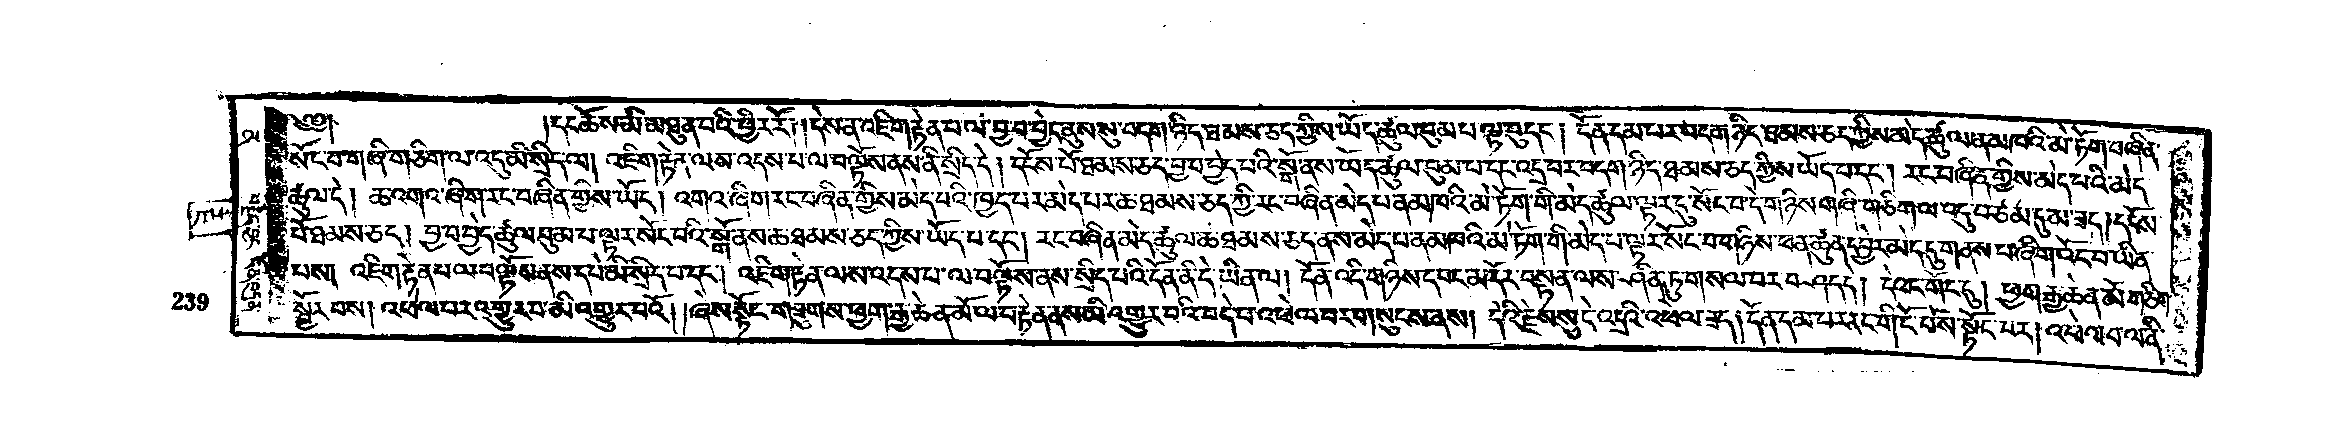༄༅། །དང་ཆོས་མི་མཐུན་པའི་ཕྱིར་རོ། །དེས་ན་འཇིག་རྟེན་པ་ལ་བྱ་བ་བྱེད་ནུས་སུ་བདག་ཉིད་ཐམས་ཅད་ཀྱིས་ཡོད་ཚུལ་བུམ་པ་ལྟ་བུ་དང་། དོན་དམ་པར་བདག་ཉིད་ཐམས་ཅད་ཀྱིས་མེད་ཚུལ་ནམ་མཁའི་མེ་ཏོག་བཞིན་
སོང་བ་གཞི་གཅིག་ལ་འདུ་མི་སྲིད་ལ། འཇིག་རྟེན་ལས་འདས་པ་ལ་བལྟོས་ནས་ནི་སྲིད་དེ། དངོས་པོ་ཐམས་ཅད་བྱ་བ་བྱེད་པའི་སྒོ་ནས་ཡོད་ཚུལ་བུམ་པ་དང་འདྲ་བར་བདག་ཉིད་ཐམས་ཅད་ཀྱིས་ཡོད་པ་དང་། རང་བཞིན་གྱིས་མེད་པའི་མེད་
ཚུལ་དེ། ཆ་འགའ་ཞིག་རང་བཞིན་གྱིས་ཡོད། འགའ་ཞིག་རང་བཞིན་གྱིས་མེད་པའི་ཁྱད་པར་མེད་པར་ཆ་ཐམས་ཅད་ཀྱི་རང་བཞིན་མེད་པ་ནམ་མཁའི་མེ་ཏོག་གི་མེད་ཚུལ་ལྟར་དུ་སོང་བ་དེ་གཉིས་གཞི་གཅིག་ལ་འདུ་བ་ཙམ་དུ་མ་ཟད། དངོས་
པོ་ཐམས་ཅད། བྱ་བ་བྱེད་ཚུལ་བུམ་པ་ལྟར་སོང་བའི་སྒོ་ནས་ཆ་ཐམས་ཅད་ཀྱིས་ཡོད་པ་དང་། རང་བཞིན་མེད་ཚུལ་ཆ་ཐམས་ཅད་ནས་མེད་པ་ནམ་མཁའི་མེ་ཏོག་གི་མེད་པ་ལྟར་སོང་བ་གཉིས་ཕན་ཚུན་དབྱེར་མེད་དུ་གནས་པ་ཞིག་འོང་བ་ཡིན་
པས༑ འཇིག་རྟེན་པ་ལ་བལྟོས་ནས་དཔེ་མི་སྲིད་པ་དང་། འཇིག་རྟེན་ལས་འདས་པ་ལ་བལྟོས་ནས་སྲིད་པའི་དོན་ནི་དེ་ཡིན་ལ། དོན་འདི་གཉིས་དབང་མདོར་བསྟན་ལས་ཤིན་ཏུ་གསལ་བར་བཤད་དེ། དེའང་གོང་དུ། ཕྱག་རྒྱ་ཆེན་མོ་གཅིག་
སྦྱོར་བས། འཕེལ་བར་འགྱུར་བ་མི་འགྱུར་བའོ། །ཞེས་སྟོང་གཟུགས་ཕྱག་རྒྱ་ཆེན་མོ་ལ་བརྟེན་ནས་མི་འགྱུར་བའི་བདེ་བ་འཕེལ་བར་གསུངས་ནས། དེའི་རྗེས་སུ་དེ་འདྲའི་འཕེལ་ཟད། དོན་དམ་པར་རང་གི་ངོ་བོས་སྟོང་པར། འཕེལ་བ་ལ་ནི་